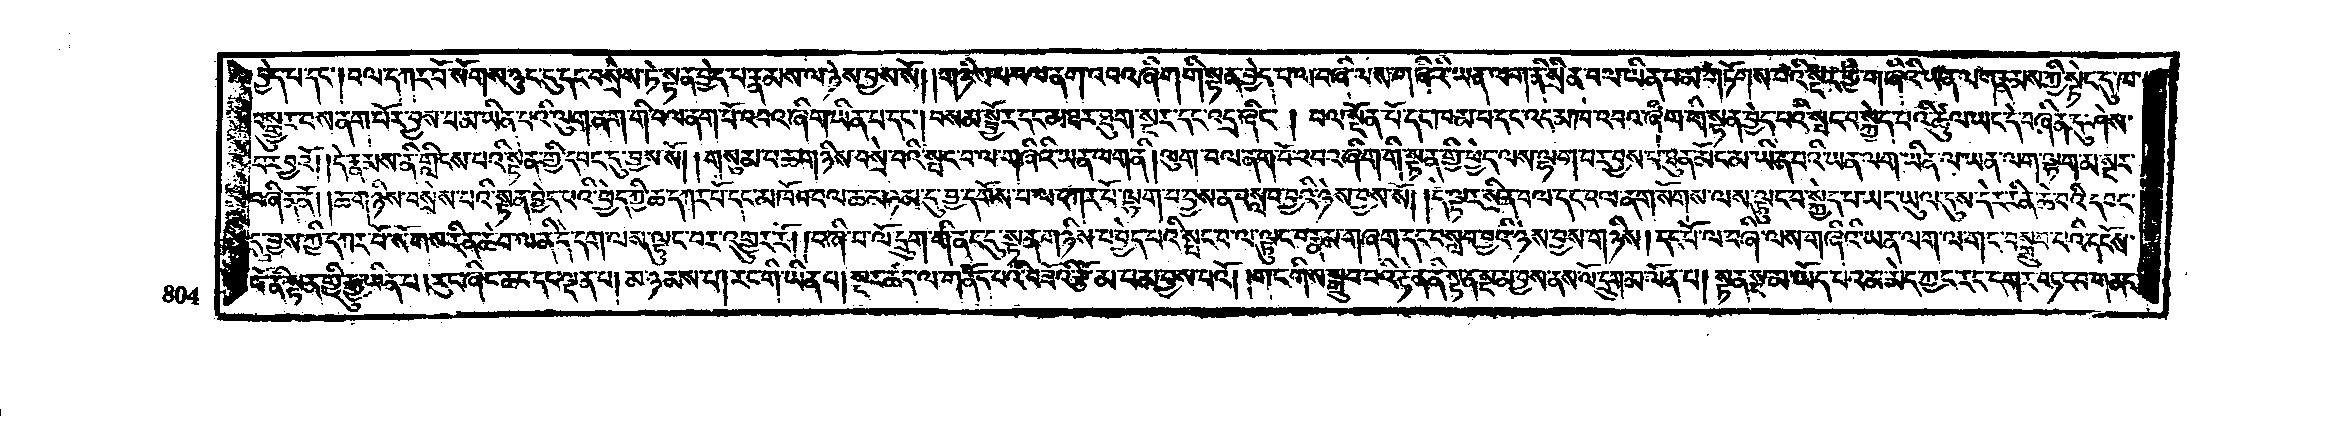བྱེད་པ་དང་། བལ་དཀར་པོ་སོགས་ཉུང་དུ་དང་བསྲེས་ཏེ་སྟན་བྱེད་པ་རྣམས་ལ་ཉེས་བྱས་སོ། །གཉིས་པ་བལ་ནག་འབའ་ཞིག་གི་སྟན་བྱེད་པ་ལ་བཞི་ལས་གཞིའི་ཡན་ལག་ནི་སྲིན་བལ་ཡིན་པ་མ་གཏོགས་པའི་སྔར་གྱི་གཞིའི་ཡན་ལག་རྣམས་ཀྱི་སྟེང་དུ་ཁ་
བསྒྱུར་བས་ནག་པོར་བྱས་པ་མ་ཡིན་པའི་ལུག་ནག་གི་བལ་ནག་པོ་འབའ་ཞིག་ཡིན་པ་དང་། བསམ་སྦྱོར་དང་མཐར་ཐུག་སྔར་དང་འདྲ་ཞིང་། བལ་སྔོན་པོ་དང་ཁམ་པ་དང་འདམ་ཁ་འབའ་ཞིག་གི་སྟན་བྱེད་པའི་སྤང་བསྐྱེད་པའི་ཚུལ་ཡང་དེ་བཞིན་དུ་ཤེས་
པར་བྱའོ། །དེ་རྣམས་ནི་གླིངས་པའི་སྟེན་གྱི་དབང་དུ་བྱས་སོ། །གསུམ་པ་ཆ་གཉིས་བསྲེ་བའི་སྤང་བ་ལ་གཞིའི་ཡན་ལག་ནི། ལུག་བལ་ནག་པོ་འབའ་ཞིག་གི་སྟན་གྱི་ཕྱེད་ལས་ལྷག་པར་བྱས་པ་ཐུན་མོང་མ་ཡིན་པའི་ཡན་ལག་ཡིན་ལ་ཡན་ལག་ལྷག་མ་སྔར་
བཞིན་ནོ། །ཆ་གཉིས་བསྲེས་པའི་སྟན་བྱེད་པའི་ཕྱེད་ཀྱི་ཆ་དཀར་པོ་དང་མཁོས་བལ་ཆ་མཉམ་དུ་བྱ་དགོས་པ་ལ་དཀར་པོ་ལྷག་པ་བྱས་ན་བསླབ་བྱའི་ཉེས་བྱས་སོ། །དེ་ལྟར་སྲིན་བལ་དང་བལ་ནག་སོགས་ལས་ལྟུང་བ་སྐྱེད་པ་ཡང་ཡུལ་དུས་དེར་རིན་ཆེ་བའི་དབང་
དུ་བྱས་ཀྱི་དཀར་པོ་སོགས་རིན་ཆེ་བ་ལ་ནི་དེ་དག་ལས་ལྟུང་བར་འགྱུར་རོ། །བཞི་པ་ལོ་དྲུག་གི་ནང་དུ་སྟན་གཉིས་པ་བྱེད་པའི་སྤང་བ་ལ་ལྟུང་བ་རྣམ་གཞག་དང་བསླབ་བྱའི་ཉེས་བྱས་གཉིས། དང་པོ་ལ་བཞི་ལས་གཞིའི་ཡན་ལག་ལ་གང་བསྒྲུབ་པའི་དངོས་
པོ་ནི་སྟན་གྱི་རྒྱུ་ཡིན་པ། རུང་ཞིང་ཆང་དང་ལྡན་པ། མ་ཉམས་པ། རང་གི་ཡིན་པ། སྔར་ཚད་ལ་གནོད་པའི་བཟོའི་རྩོམ་པ་མ་བྱས་པའོ། །གང་གིས་སྒྲུབ་པའི་རྟེན་ནི་སྟན་སྔ་མ་བྱས་ནས་ལོ་དྲུག་མ་ལོན་པ། སྟན་སྔ་མ་ཡོད་པའམ་མེད་ཀྱང་རང་དགར་བཏང་བ་གནང་